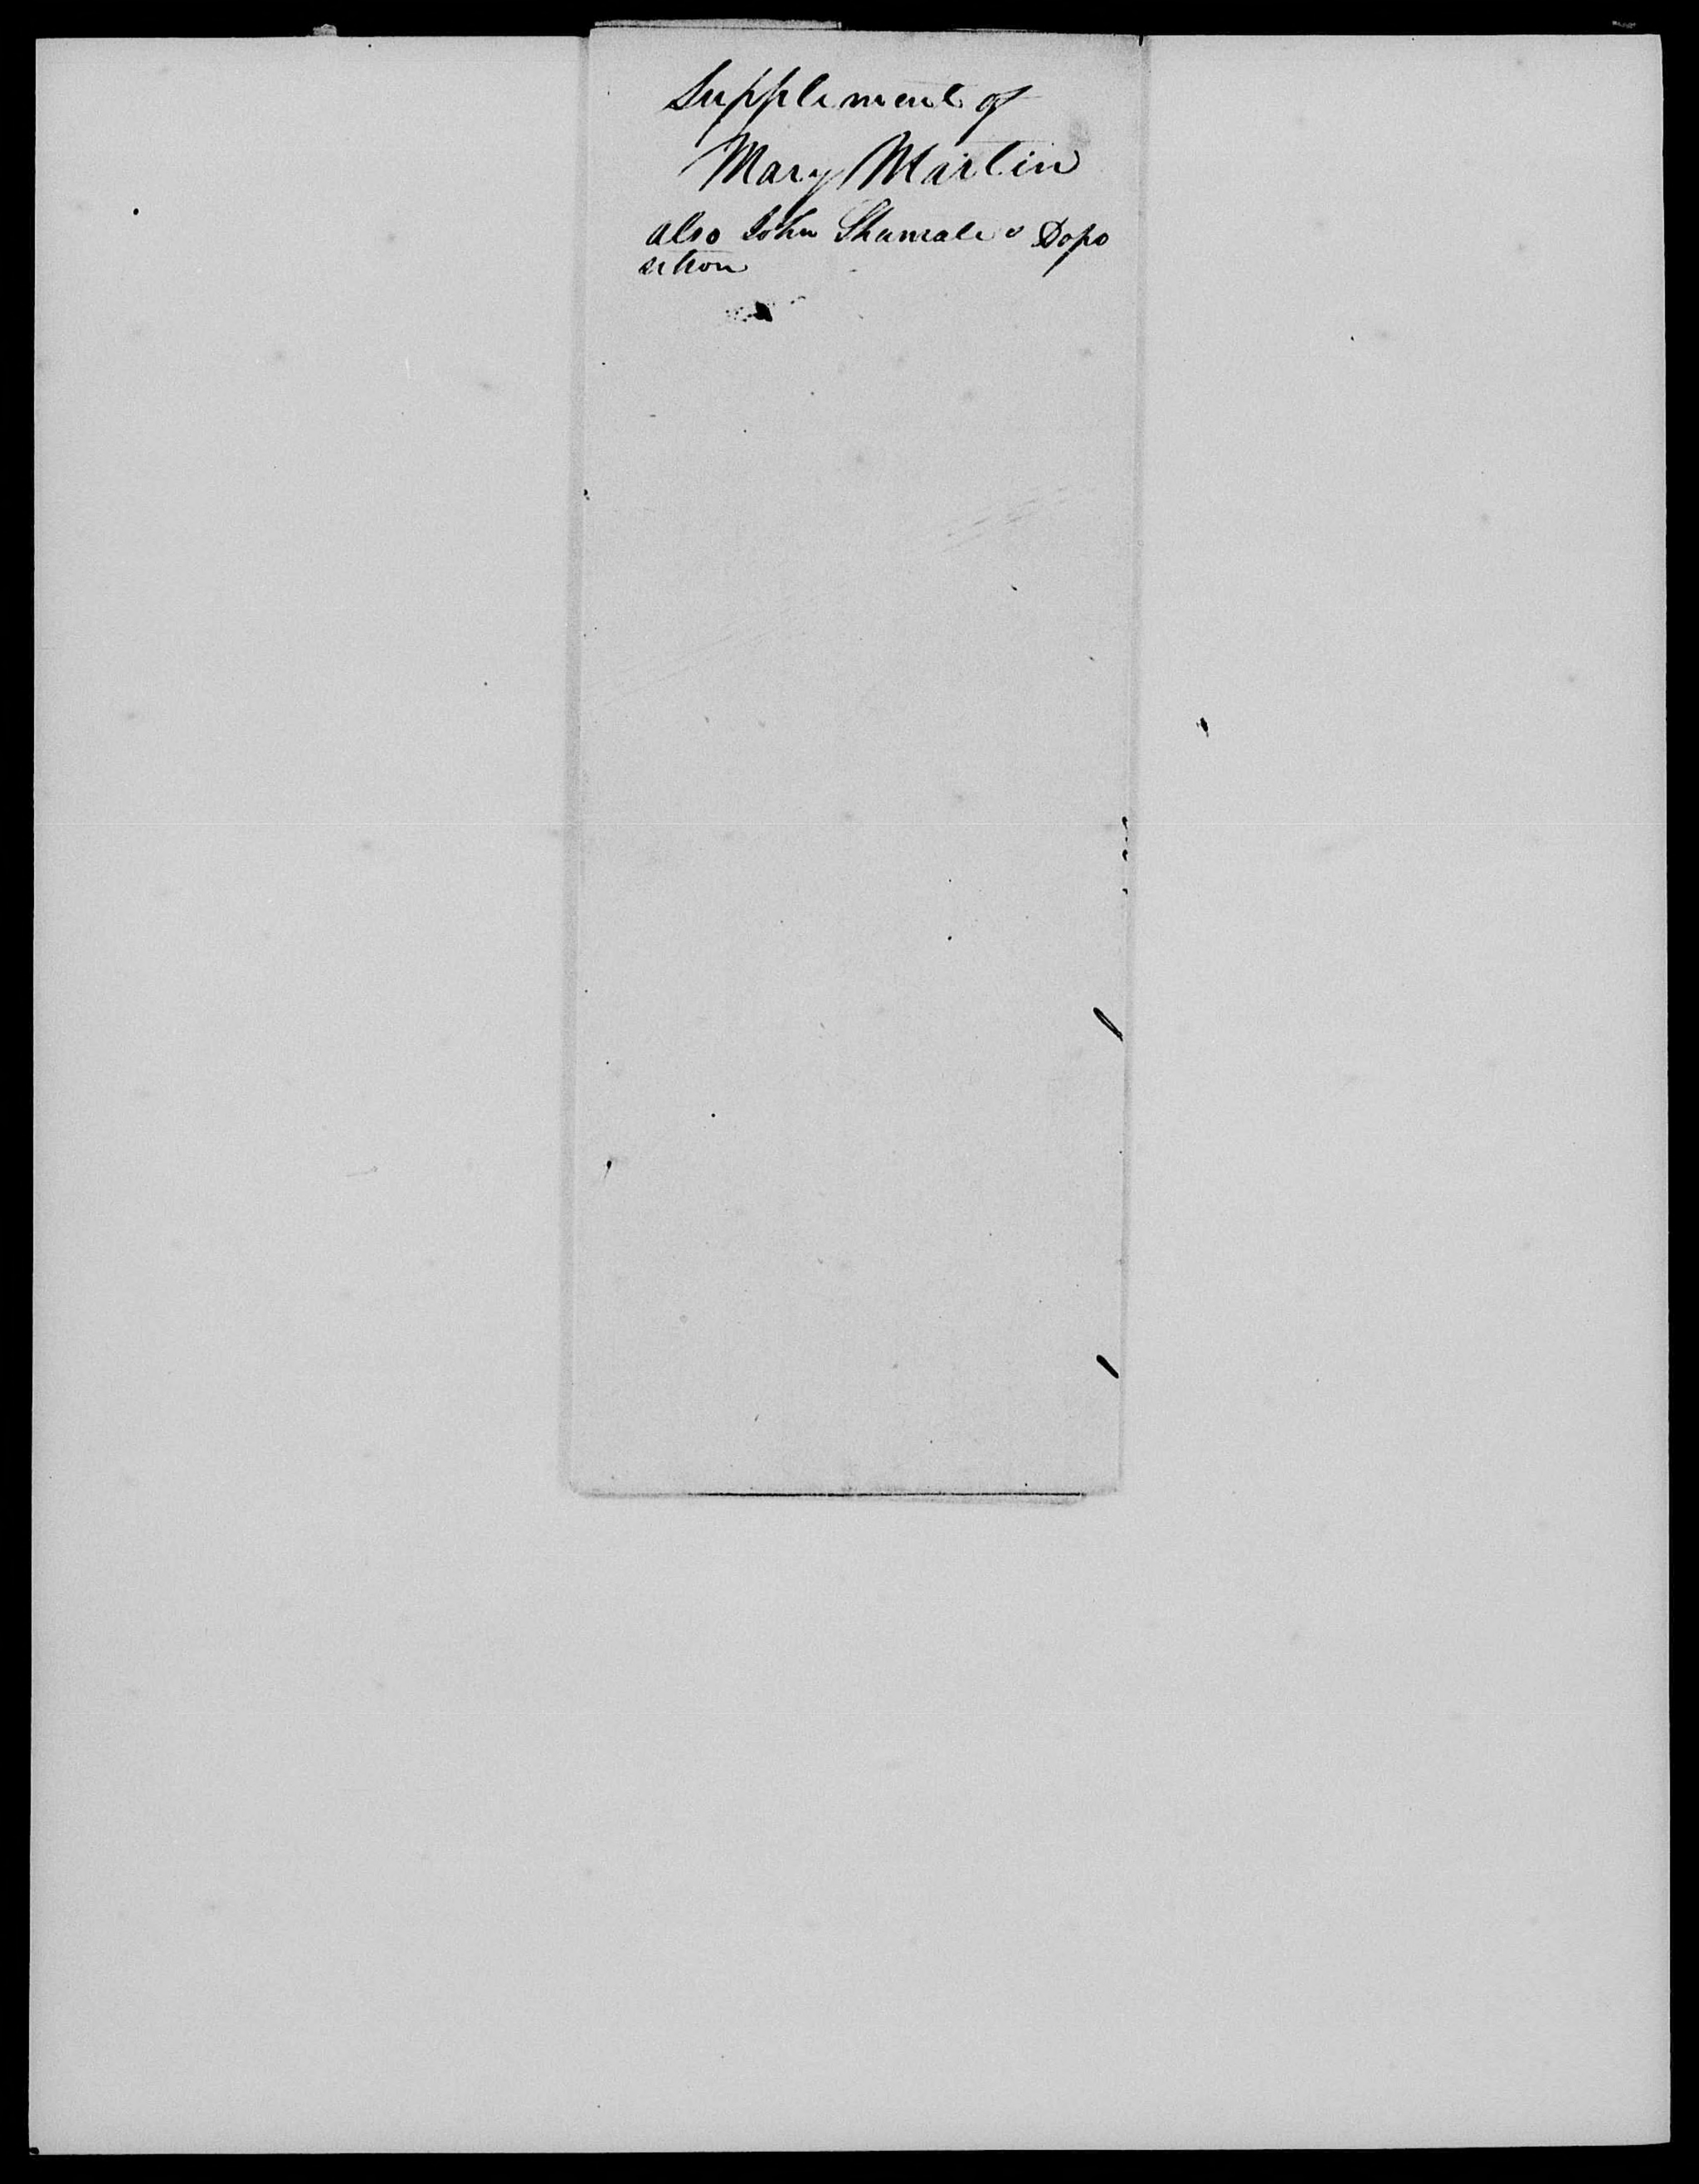Supplement of
Mary Martin
also John Shumates Depo
action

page: 111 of 120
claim: widow's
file: W. 1044, for Salathiel Martin, North Carolina